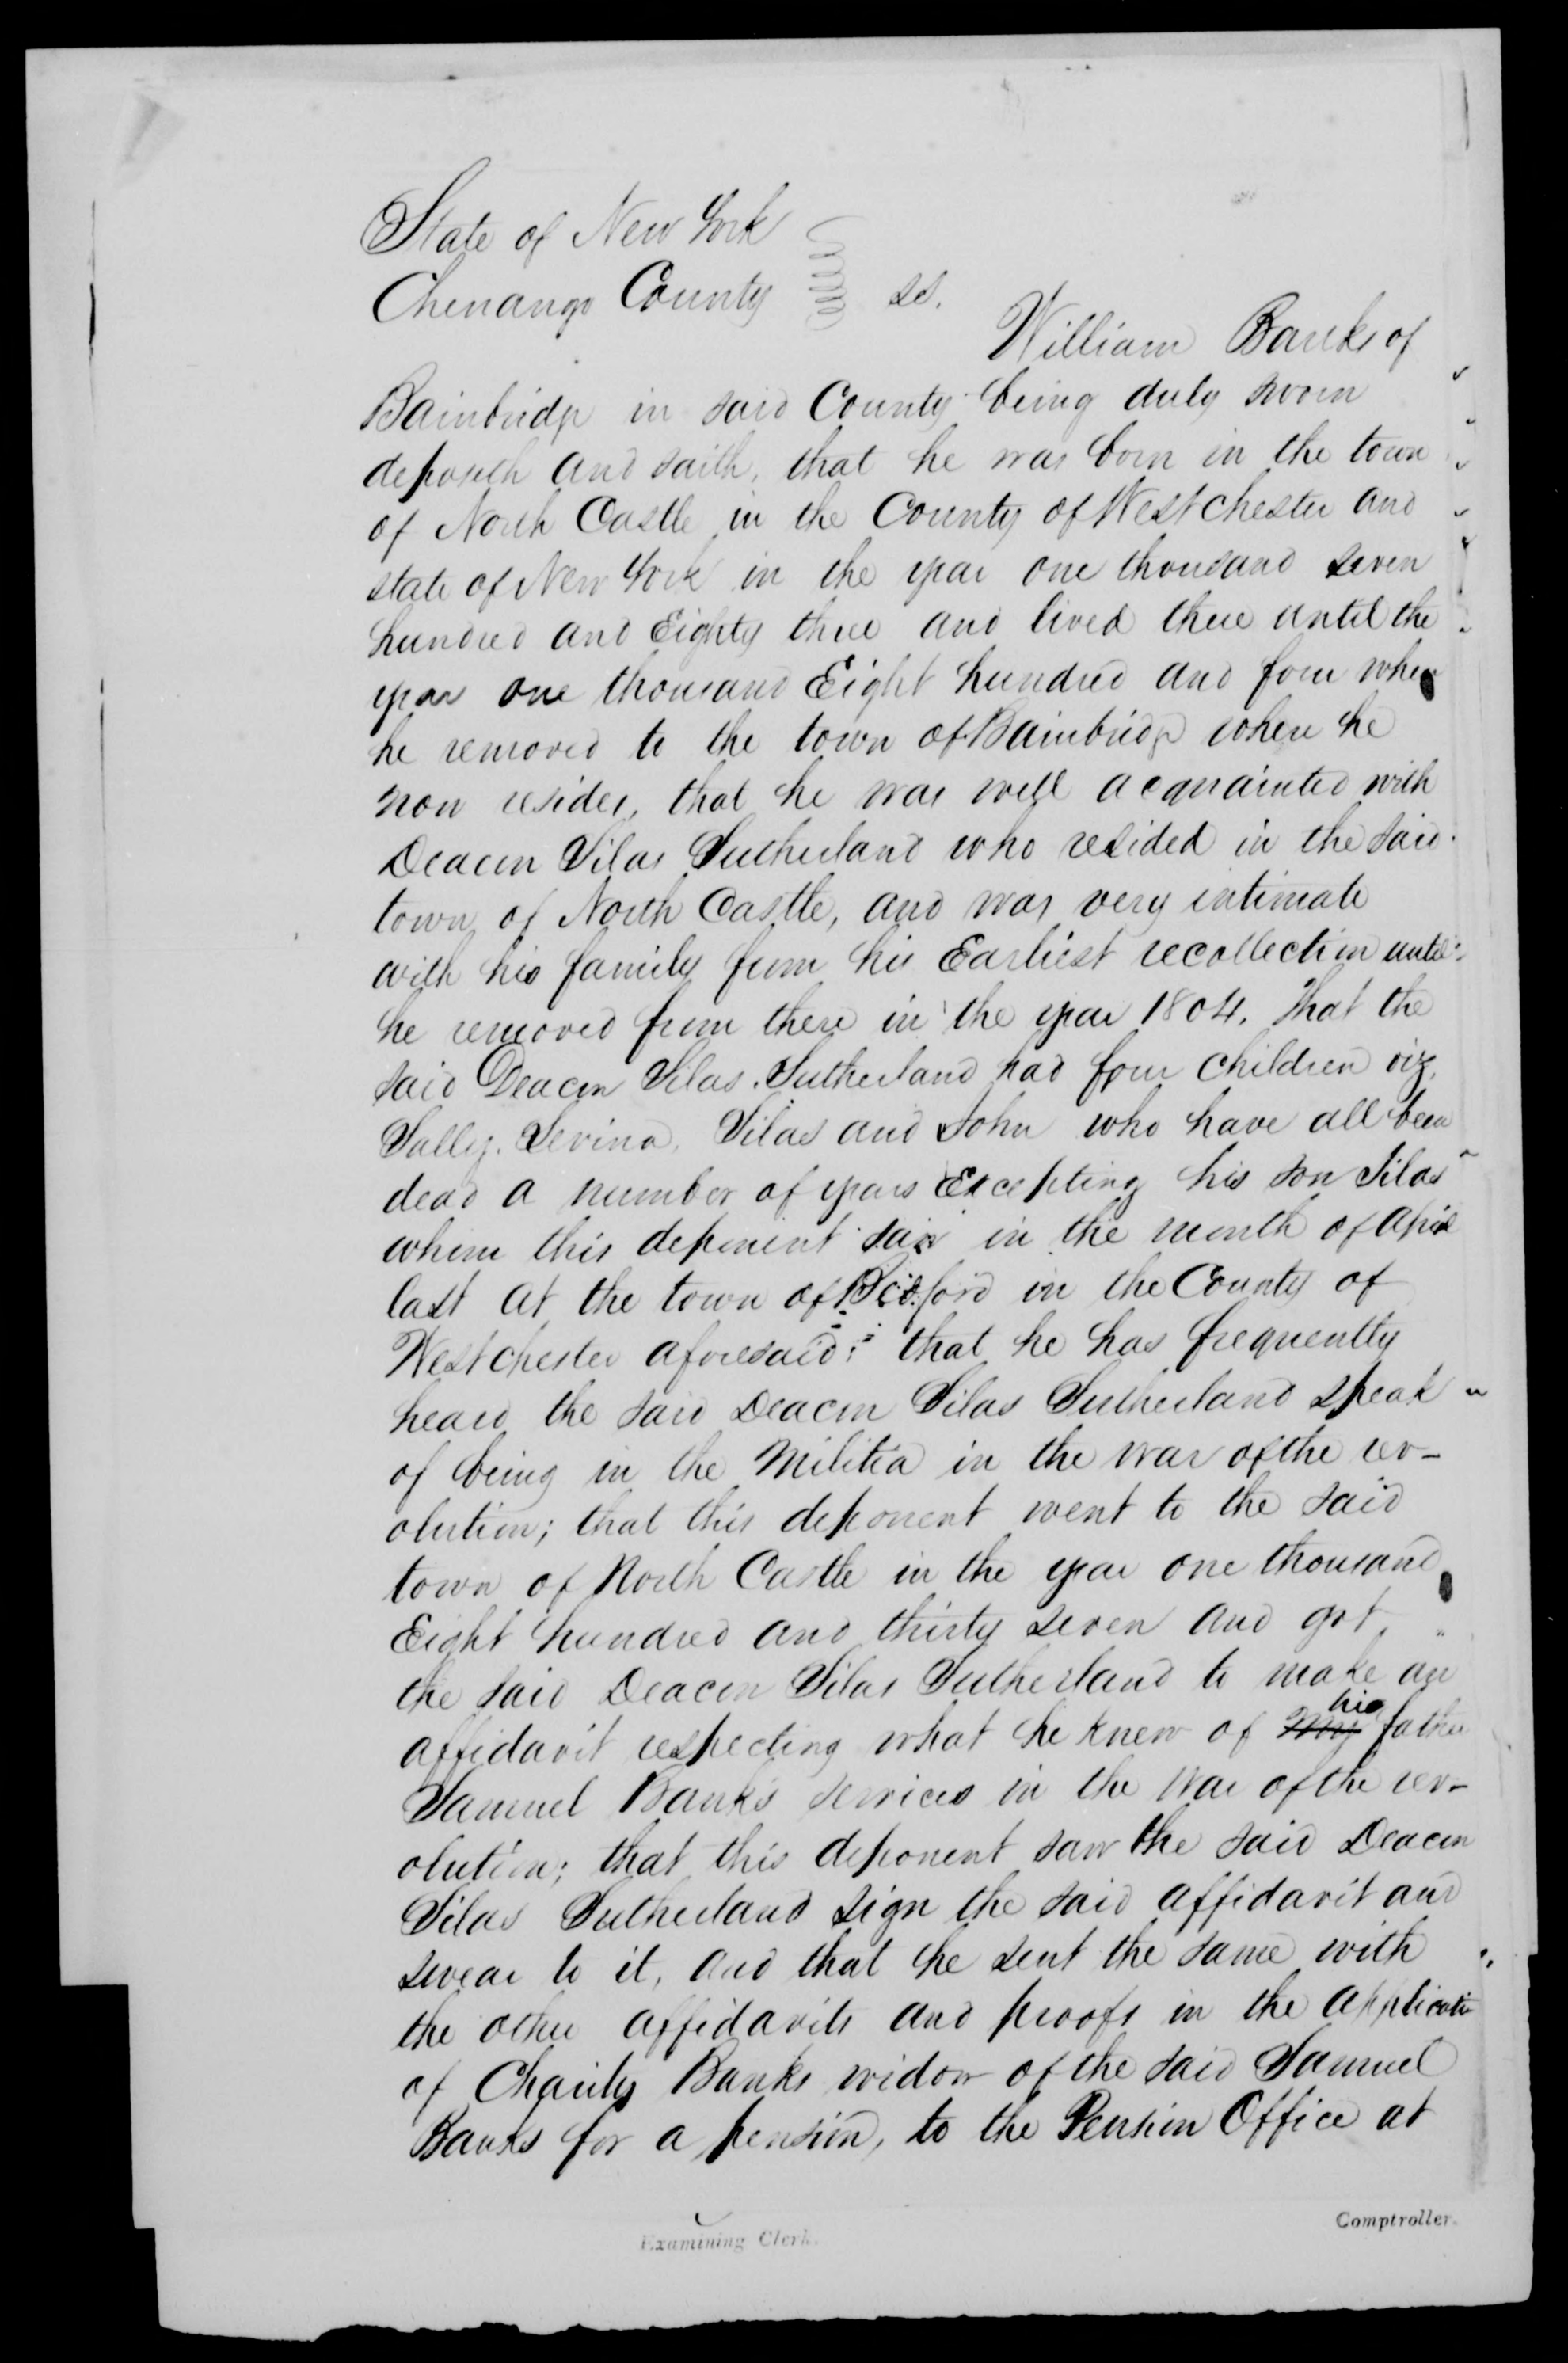State of New York 
Chenango County } ss.

William Banks of Bainbridge in said County being duly sworn deposith and saith, that he was born in the town of North Castle in the County of Westchester and state of New York in the year one thousand seven hundred and eighty three and lived there until the year one thousand eight hundred and four when he removed to the town of Bainbridge where he now resides, that he was well acquainted with Deacon Silas Sutherland who resided in the said town of North Castle, and was very intimate with his family from his earliest recollection until he removed from there in the year 1804, that the said Deacon Silas Sutherland had four children viz Sally, Serina, Silas and John who have all been dead a number of years excepting his son Silas, whom this deponent saw in the month of April last at the town of Bedford in the County of Westchester aforesaid, that he has frequently heard the said Deacon Silas Sutherland speak of being in the Militia in the war of the revolution; that this deponent went to the said town of North Castle in the year one thousand eight hundred and thirty seven and got the said Deacon Silas Sutherland to make an affidavit respecting what he knew of his father Samuel Bank's services in the war of the revolution; that this deponent saw the said Deacon Silas Sutherland sign the said affidavit and swear to it, and that he sent the same with the other affidavits and proofs in the application of Charity Banks, widow of the said Samuel Banks for a pension, to the Pension Office at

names: Silas [BLANK]; Charity Banks; Silas Sutherland; Samuel Banks; William Banks; Silas Sutherland; Silas Sutherland; Silas [BLANK]; Sevina [BLANK]; Sally [BLANK]; Samuel Banks; John [BLANK]; Silas Sutherland; Silas Sutherland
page: 22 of 77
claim: survivor's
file: S. 23003, for Silas Southerland, New York